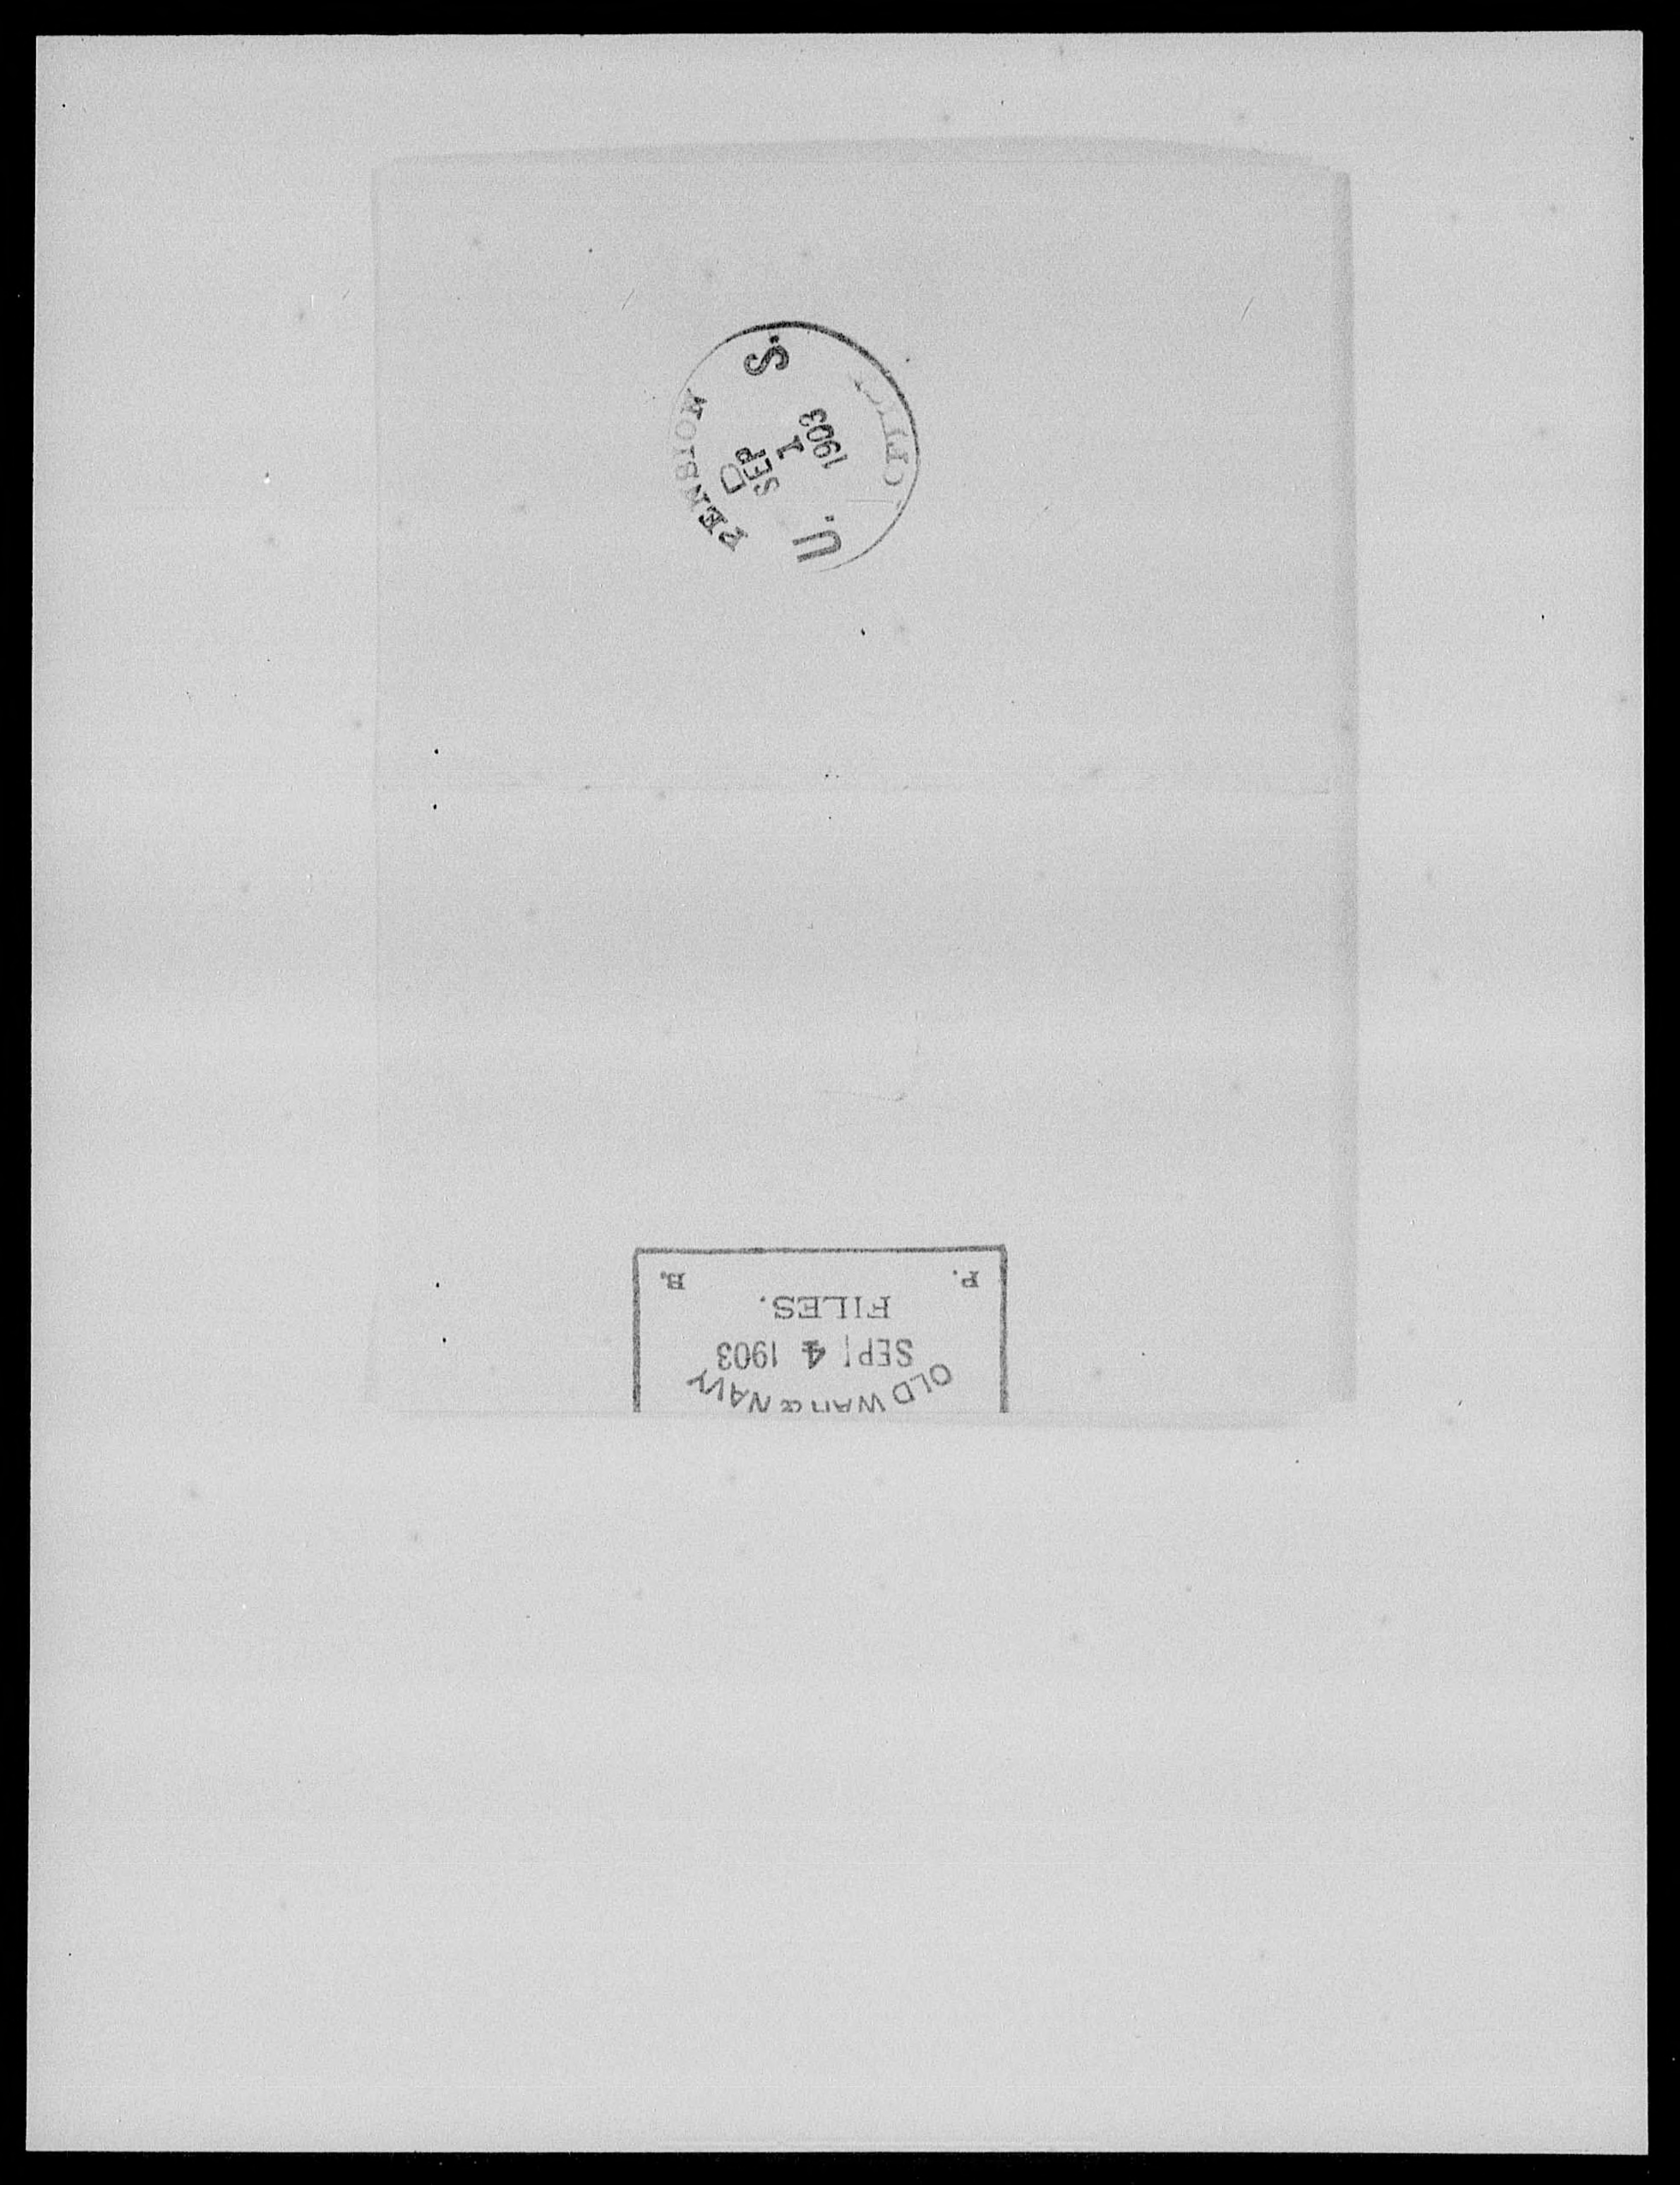[Stamped]:
U. S. PENSION OFFICE
D
SEP 1 1903

OLD WAR & NAVY FILES
SEPT 4 1903
P.B.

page: 17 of 35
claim: survivor's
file: S. 18374, Nathan Dexter, R.I.